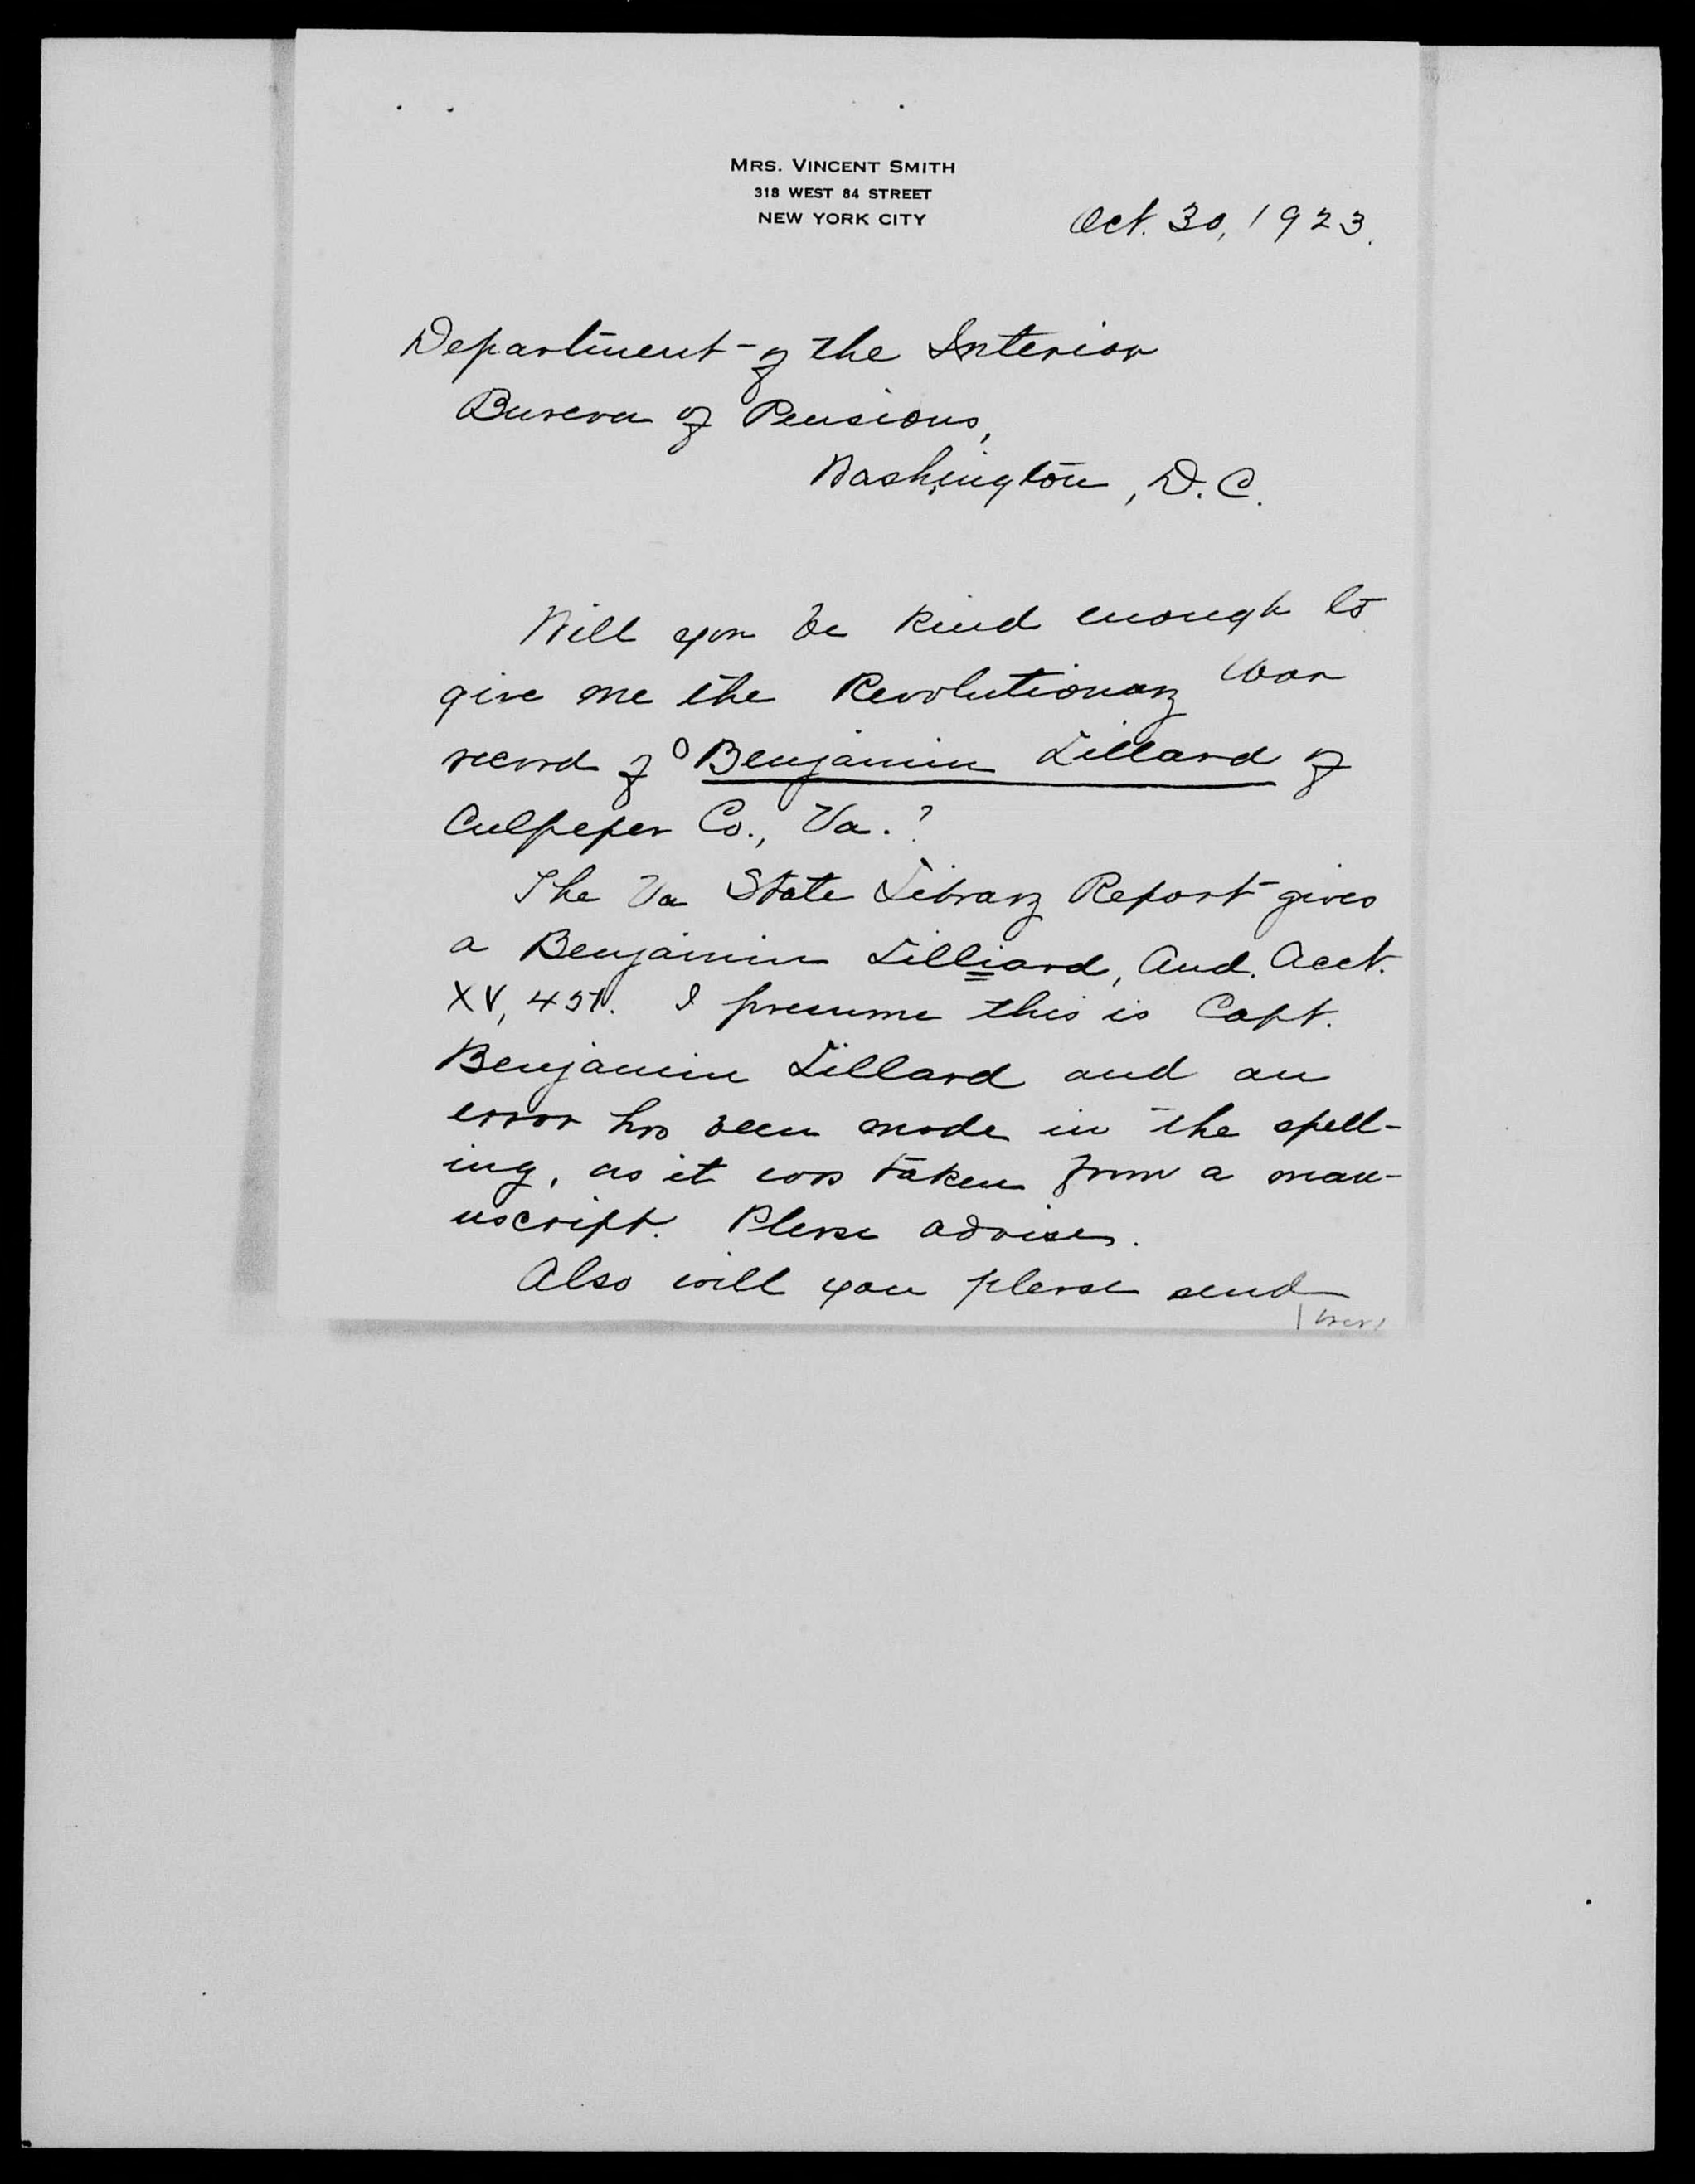MRS. VINCENT SMITH
318 WEST 84 STREET
NEW YORK CITY

Oct. 30, 1923

Department of the Interior
Bureau of Pensions
Washington, D.C.

Will you be kind enough to
give me the Revolutionary War
record of Benjamin Lillard of
Culpeper Co., Va.
The Va State Library Report gives
a Benjamin Lilliard, And Acct.
XV, 457 [or 1]. I presume this is Capt.
Benjamin Lillard and an
erson has been made in the spelling,
as it was taken from a 
manuscript. Please advise.
Also will you please send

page: 26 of 27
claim: survivor's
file: S. 5,955, for Thomas Pulliam, Virginia